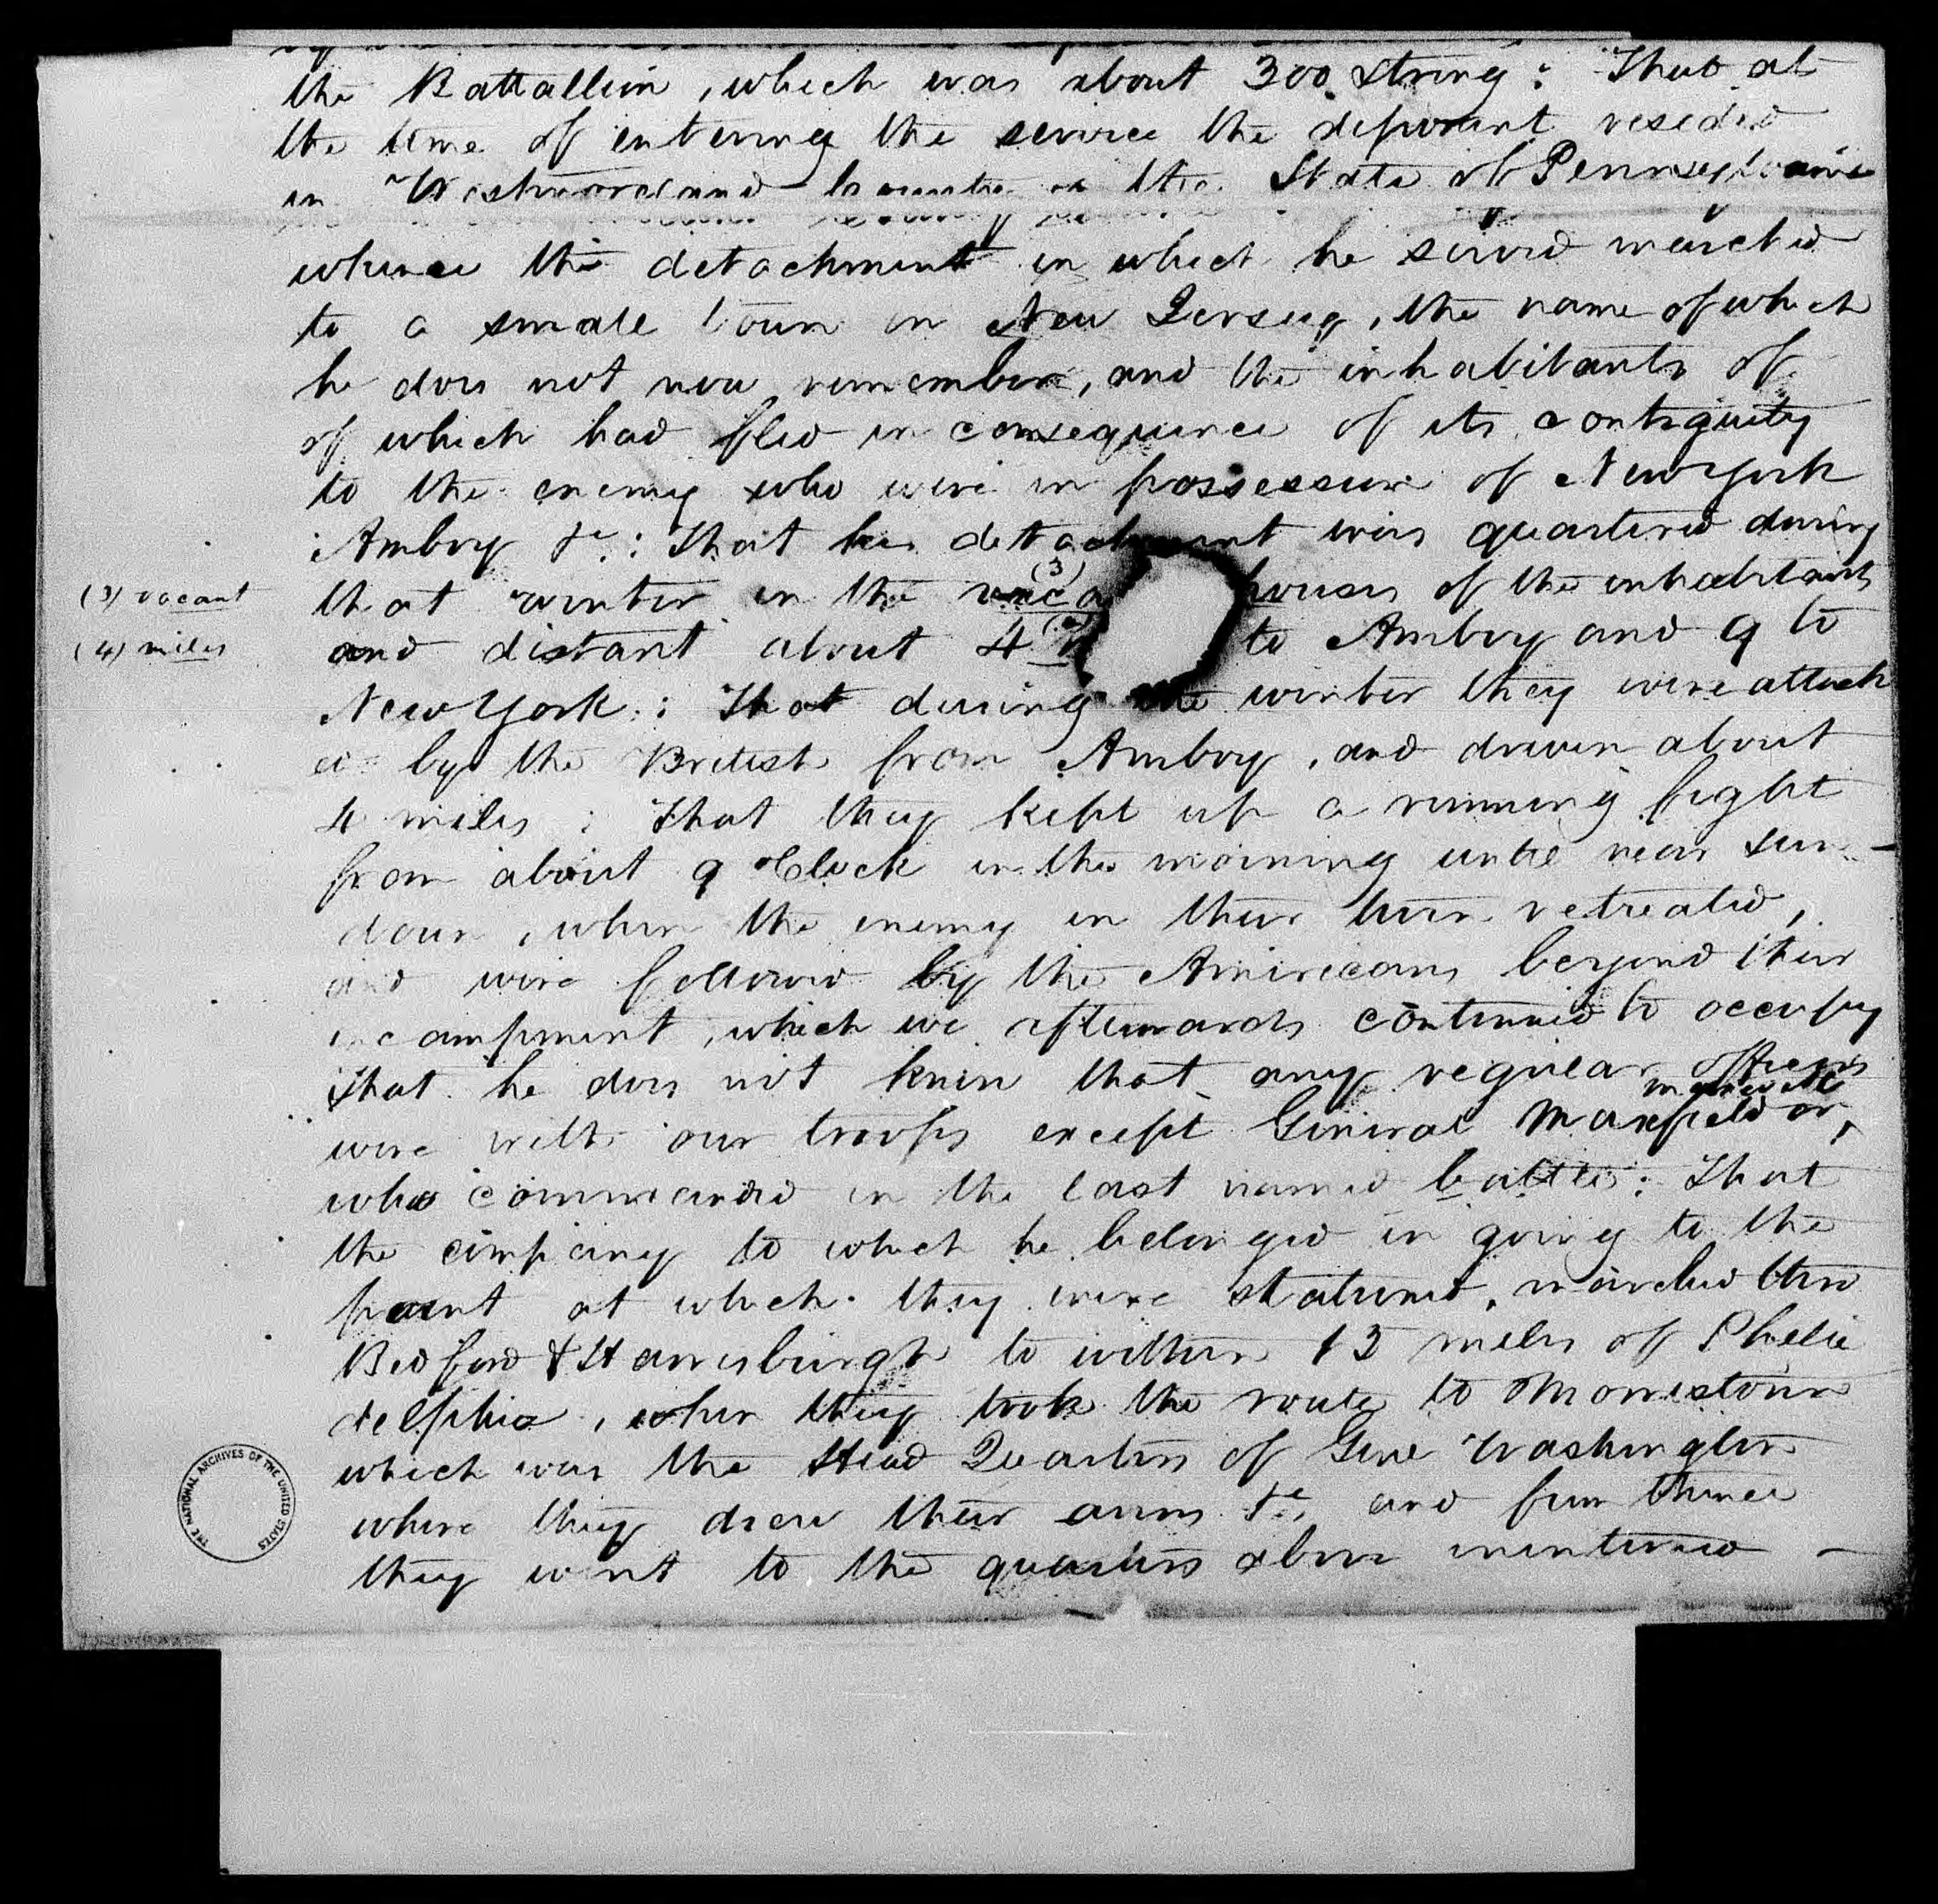the Battallein, which was about 300 strong: That at the time of entering the service the deponant resided in Westmoreland County in the State of Pennsylvania where this detachment in which he served marched to a small town in New Jersey, the name of which he does not now remember, and the inhabitants of of which had fled in consequence of its contiguity to the enemy who were in possession of New York Amboy [Perth Amboy] [illegible]:That his detachment was quartered during that winter in the vacant houses of the inhabitants and distant about 4 miles to Amboy and 9 to New York: That during the winter they were attacked by the British from Amboy, and driven about 4 miles: That  they kept up a running fight from about 9 o’clock in the morning until near sundown, when the enemy in their turn retreated , and were followed by the Americans beyond their encampment, which we afterwards continued to occupy That he does not know that any regular officers were with our troops except General Mansfield or ^Maxwell^ [William Maxwell] who commanded in the last named battle [possibly the battle of Ash Swamp-Spanktown, 23 Feb 1777]: That the company to which he belonged in going to the front at which they were stationed, marched thru Bedford & Harrisburgh  to within 15 miles of Philadelphia, when they took the route to Morristown which was the Head Quarters of Genl Washington where they drew their arms [illegible] , and from thence they went to the quarters above mentioned -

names: [BLANK] Washington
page: 8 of 14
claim: rejected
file: R. 6005, for Jacob Klinginsmith, Pennsylvania